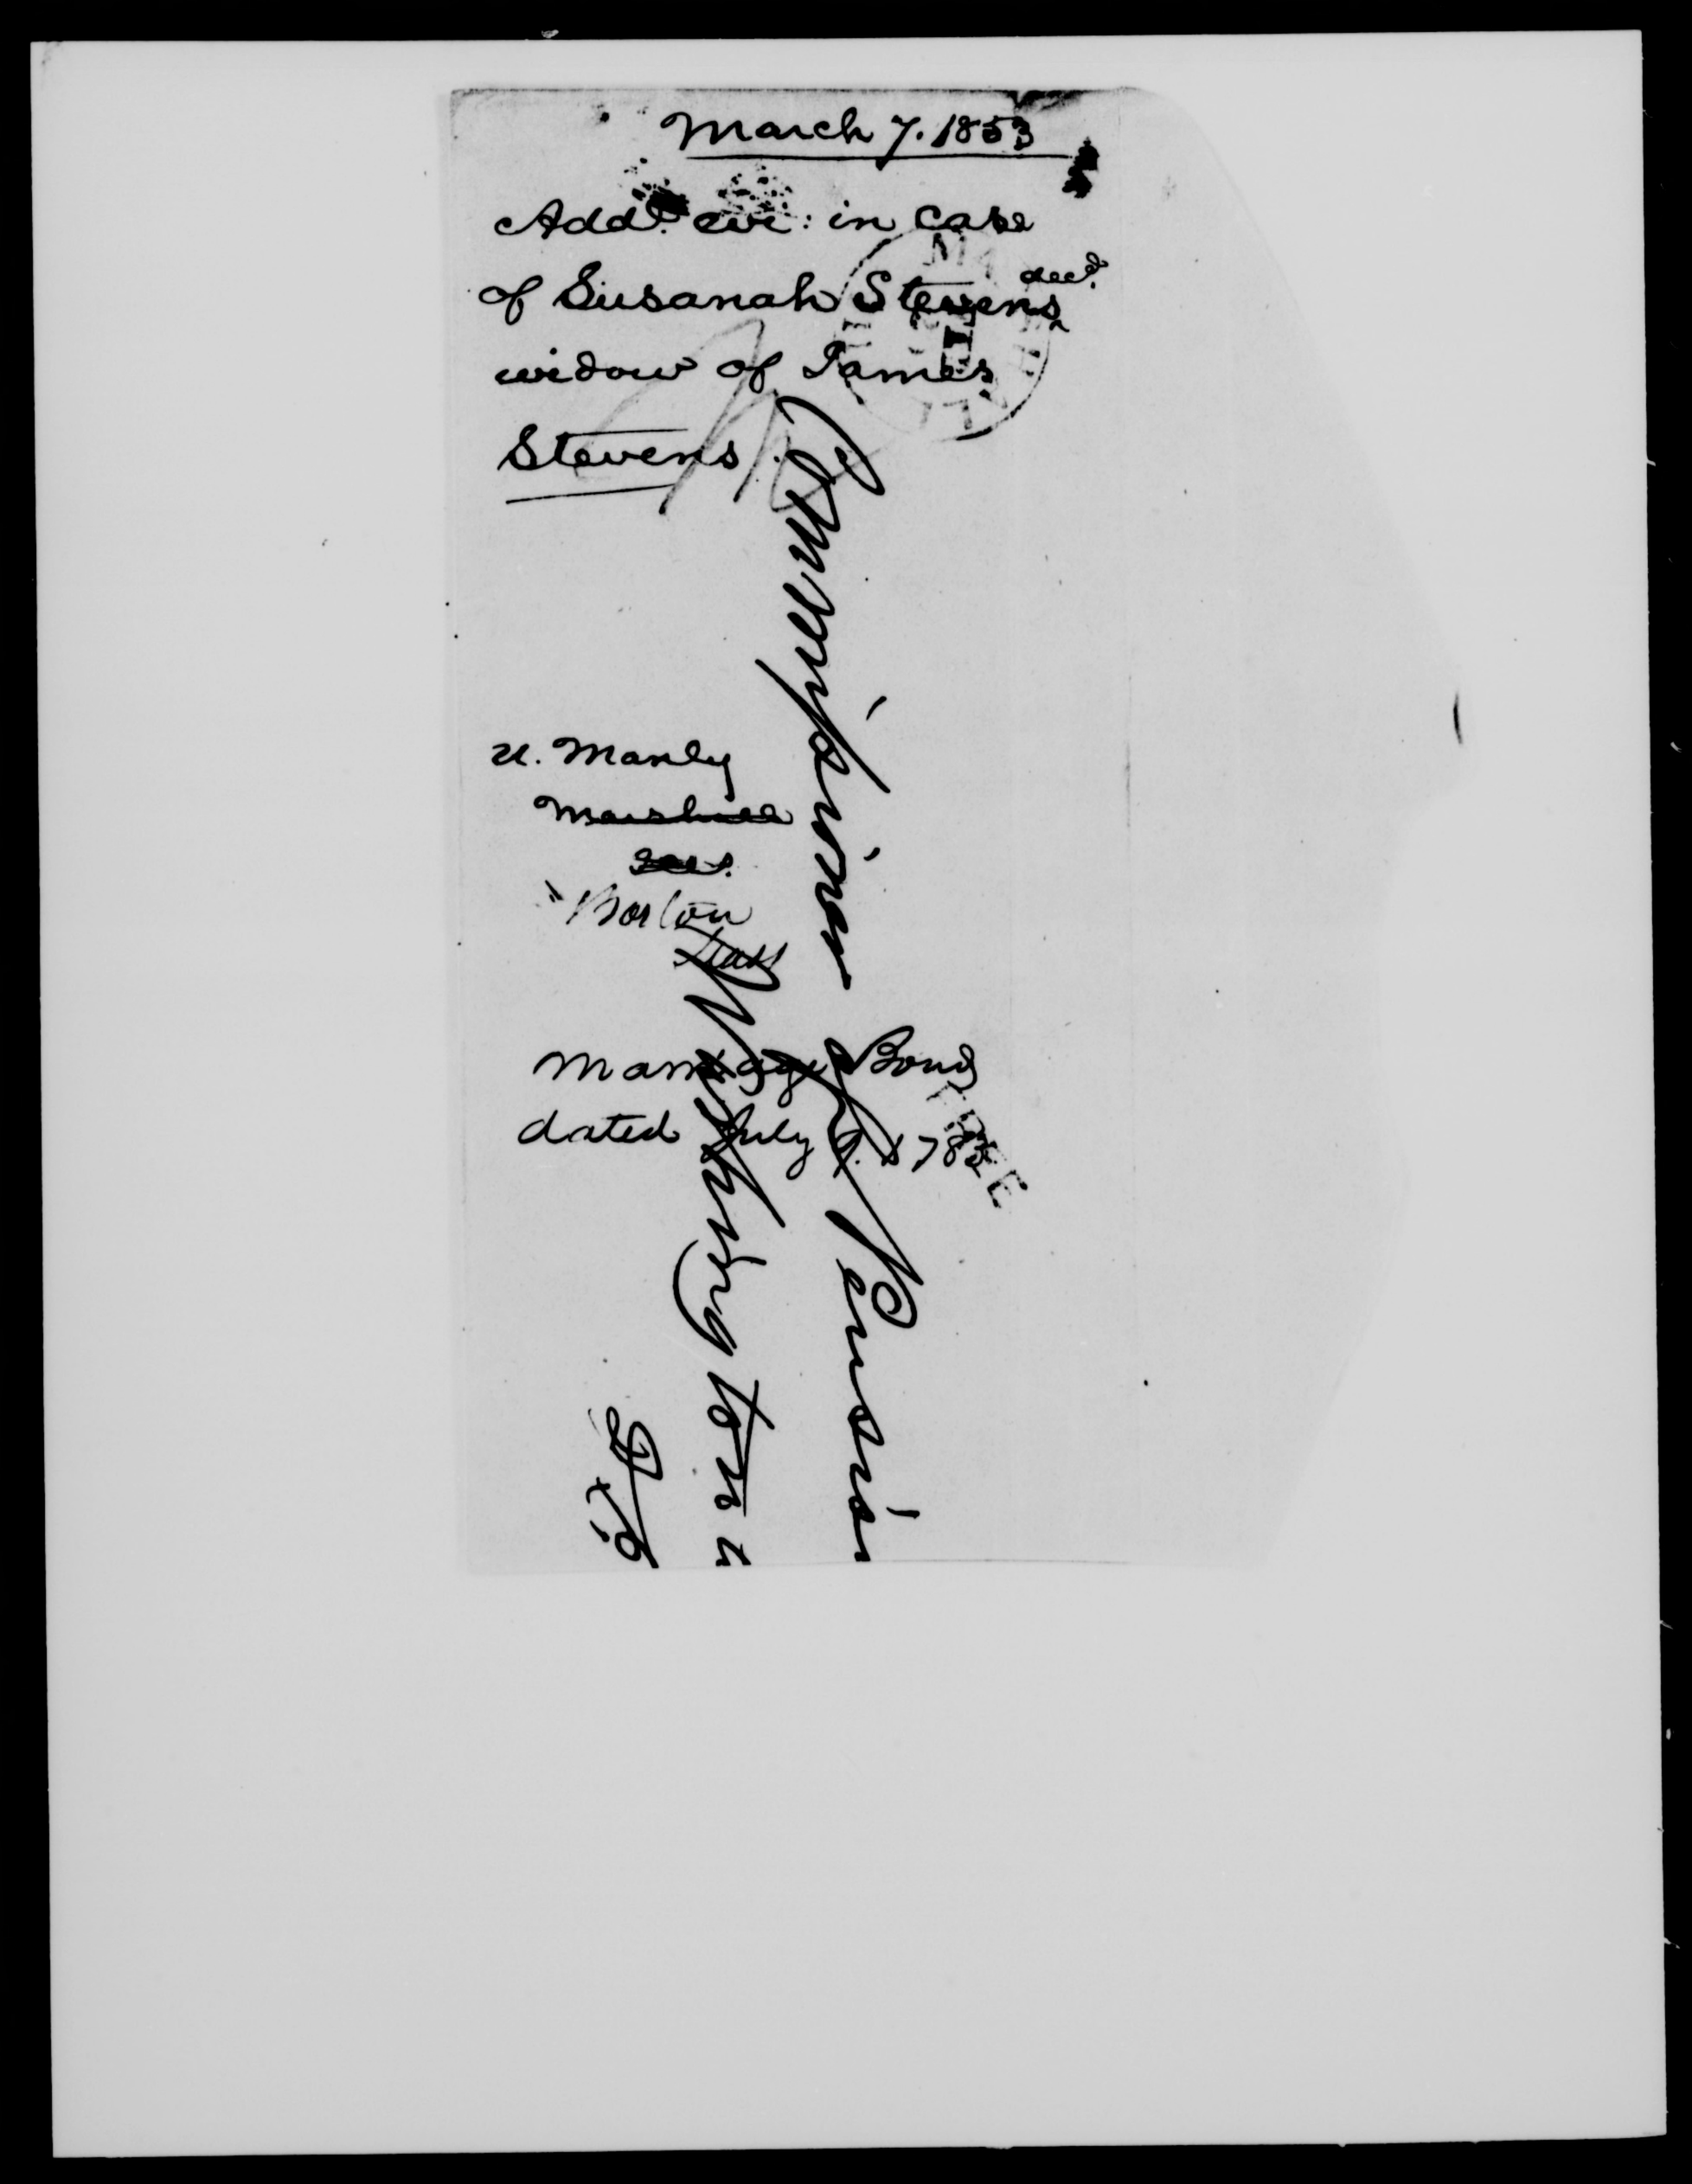March 7. 1853
Added : in case 
of Susannah Stevens [stamp - illegible]
widow of James
Stevens
Commissioner
U. Manly
[Marshall...written text marked through]
dated July 9, 1783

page: 50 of 99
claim: widow's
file: W 8766, for James Stevens, Virginia